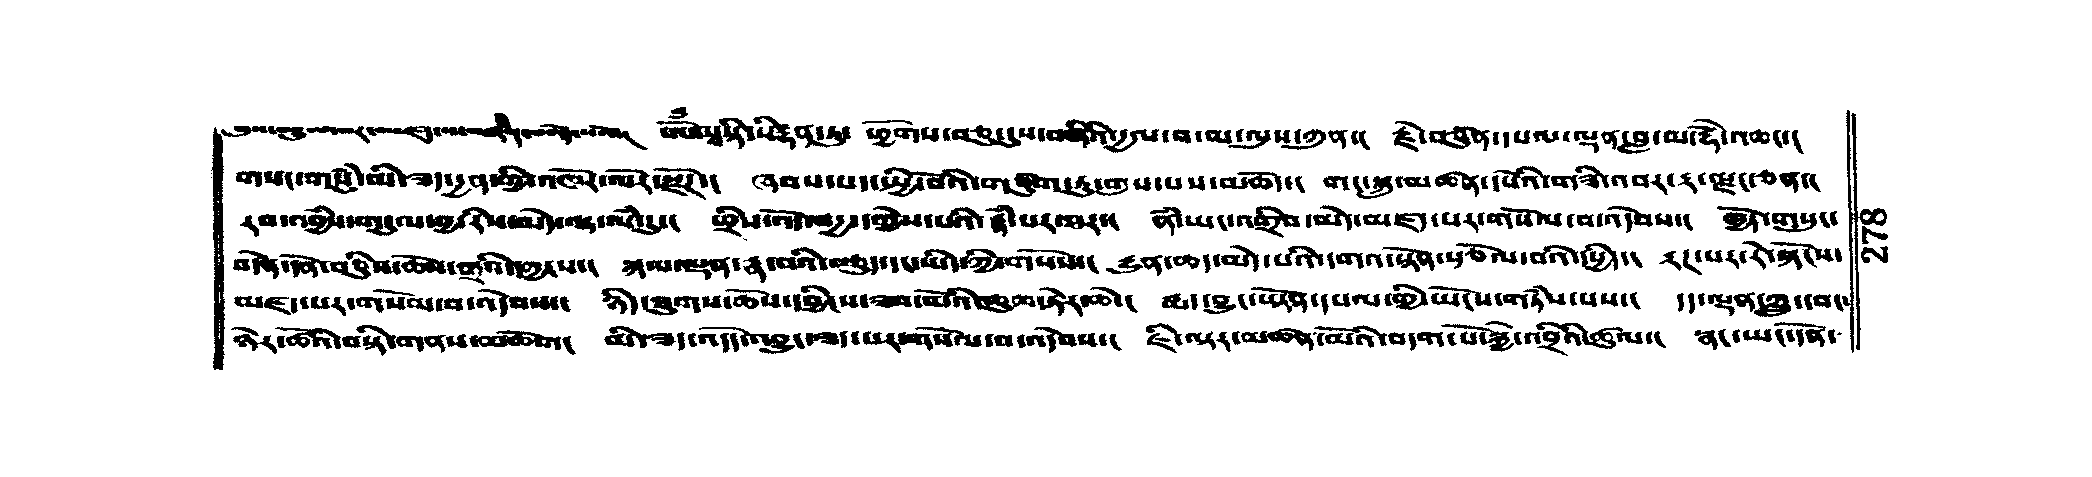བུས་བསྐུལ་བར་མཛད་པ་བཞིན་བཀོད་པའོ། ཨོཾ་སྭསྟི་སིདྷན་ཏུ། ཕྱོགས་བཅུ་དུས་བཞིའི་རྒྱལ་བ་མ་ལུས་ཀུན། །རྗེ་བཙུན་དཔལ་ལྡན་བླ་མ་རྡོ་རྗེ་འཆང་། །
གསང་གསུམ་མི་ཟད་རྒྱན་གྱི་འཁོར་ལོར་རྫོགས། །ཞབས་པད་སྤྱི་བོའི་གཙུག་ཏུ་གུས་པས་མཆོད། །གང་སྐུ་མཚན་དཔེའི་གཟི་འབར་རྟ་ལྗང་ཅན། །
རབ་འབྱམས་གདུལ་བྱ་རིས་མེད་ལྷ་ལམ་དུ། །ཕྲིན་ལས་འོད་བརྒྱ་འགྱེད་པའི་རྣམ་པར་ཐར། །ནམ་ཡང་འགྲིབ་མེད་མཛད་པར་གསོལ་བ་འདེབས། །ཁྱོད་གསུང་
བདེན་དོན་བཅུ་གཉིས་ཆོས་སྒྲའི་དབྱངས། །སྐལ་ལྡན་རྣ་བའི་བཅུད་དང་ཡིད་ཀྱི་གསོས། །རྒྱུན་ཆད་མེད་པའི་དགའ་སྟོན་སྩོལ་བའི་དཔྱིད། །རྟག་པར་རེ་སྐོང་
མཛད་པར་གསོལ་བ་འདེབས། །ཉིད་ཐུགས་ཆོས་དབྱིངས་ཟབ་མོའི་ཆུ་གཏེར་ཆེ། །རྨད་བྱུང་ཡོན་ཏན་དཔལ་གྱི་ཡོངས་གཏམས་པས། །དད་ལྡན་ཀླུ་དབང་
ཉེར་ཚོའི་བསྟི་གནས་མཆོག།མི་ཟད་འདོད་འབྱུང་ཟད་པར་གསོལ་བ་འདེབས། །ཇི་ལྟར་མཚན་མོའི་བདག་པོ་སྐྱེ་བྲིའི་ཚུལ། །སྣང་ཡང་དོན་